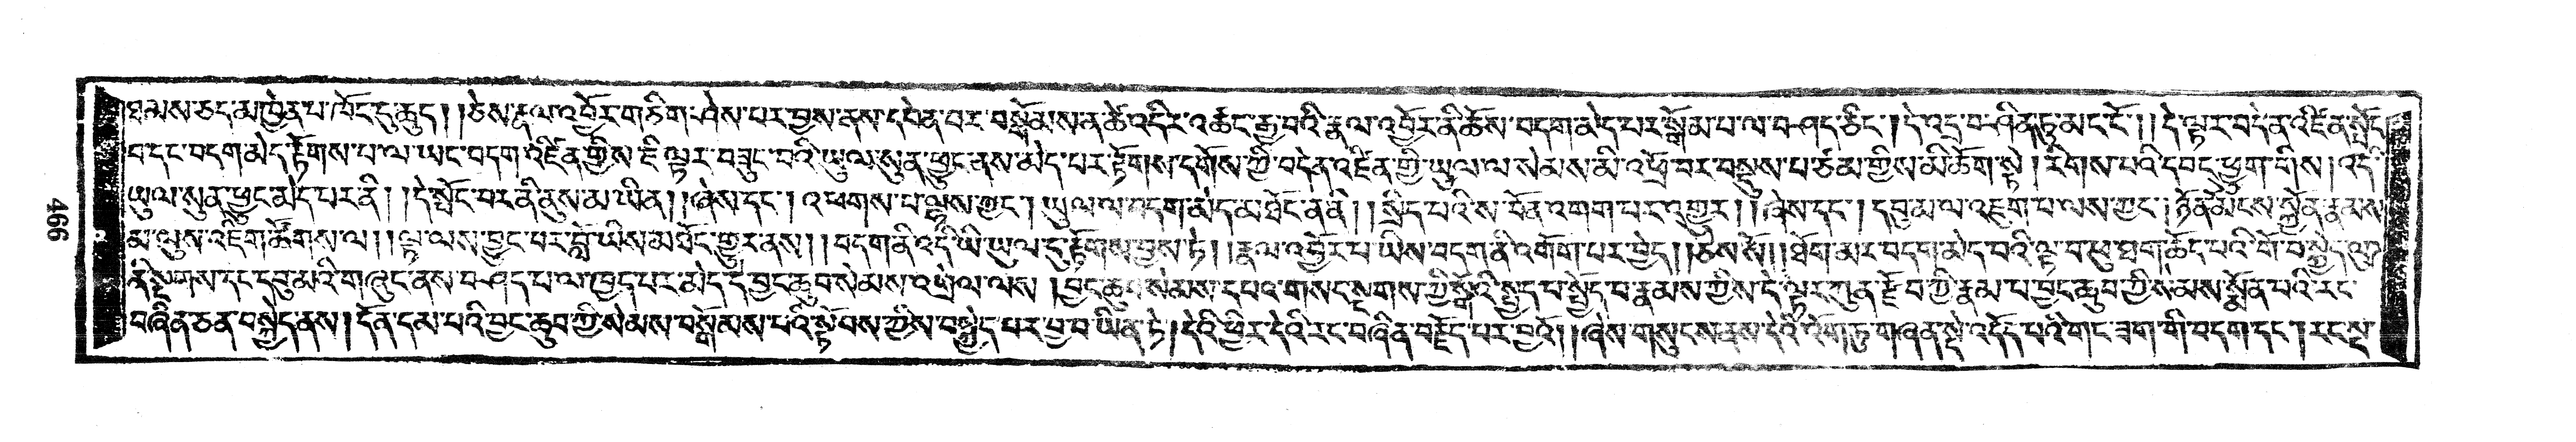ཐམས་ཅད་མཁྱེན་པ་ཁོང་དུ་ཆུད། །ཅེས་རྣལ་འབྱོར་གཅིག་ཤེས་པར་བྱས་ནས་དབེན་པར་བསྒོམས་ན་ཚེ་འདིར་འཚང་རྒྱ་བའི་རྣལ་འབྱོར་ནི་ཆོས་བདག་མེད་པར་སྒོམ་པ་ལ་བཤད་ཅིང་། དེ་འདྲ་བ་ཤིན་ཏུ་མང་ངོ། །དེ་ལྟར་བདེན་འཛིན་སྤོང་
བ་དང་བདག་མེད་རྟོགས་པ་ལ་ཡང་བདག་འཛིན་གྱིས་ཇི་ལྟར་བཟུང་བའི་ཡུལ་སུན་ཕྱུང་ནས་མེད་པར་རྟོགས་དགོས་ཀྱི་བདེན་འཛིན་གྱི་ཡུལ་ལ་སེམས་མི་འཕྲོ་བར་བསྡུས་པ་ཙམ་གྱིས་མི་ཆོག་སྟེ། རིགས་པའི་དབང་ཕྱུག་གིས། འདི་
ཡུལ་སུན་ཕྱུང་མེད་པར་ནི། །དེ་སྤོང་བར་ནི་ནུས་མ་ཡིན། །ཞེས་དང་། འཕགས་པ་ལྷས་ཀྱང་། ཡུལ་ལ་བདག་མེད་མཐོང་ན་ནི། །སྲིད་པའི་ས་བོན་འགག་པར་འགྱུར། །ཞེས་དང་། དབུ་མ་ལ་འཇུག་པ་ལས་ཀྱང་། ཉོན་མོངས་སྐྱོན་རྣམས་
མ་ལུས་འཇིག་ཚོགས་ལ། །ལྟ་ལས་བྱུང་བར་བློ་ཡིས་མཐོང་གྱུར་ནས། །བདག་ནི་འདི་ཡི་ཡུལ་དུ་རྟོགས་བྱས་ཏེ། །རྣལ་འབྱོར་པ་ཡིས་བདག་ནི་འགོག་པར་བྱེད། །ཅེས་སོ། །ཐོག་མར་བདག་མེད་པའི་ལྟ་བ་ཕུ་ཐག་ཆོད་པའི་གོ་བ་སྐྱེད་ལུགས་
ནི་སྔགས་དང་དབུ་མའི་གཞུང་ནས་བཤད་པ་ལ་ཁྱད་པར་མེད་དེ་བྱང་ཆུབ་སེམས་འགྲེལ་ལས། བྱང་ཆུབ་སེམས་དཔའ་གསང་སྔགས་ཀྱི་སྒོའི་སྤྱད་པ་སྤྱོད་པ་རྣམས་ཀྱིས་དེ་ལྟར་ཀུན་རྫོབ་ཀྱི་རྣམ་པ་བྱང་ཆུབ་ཀྱི་སེམས་སྨོན་པའི་རང་
བཞིན་ཅན་བསྐྱེད་ནས། དོན་དམ་པའི་བྱང་ཆུབ་ཀྱི་སེམས་བསྒོམས་པའི་སྟོབས་ཀྱིས་བསྐྱེད་པར་བྱ་བ་ཡིན་ཏེ། དེའི་ཕྱིར་དེའི་རང་བཞིན་བརྗོད་པར་བྱའོ། །ཞེས་གསུངས་ནས་དེའི་འོག་ཏུ་གཞན་སྡེ་འདོད་པའི་གང་ཟག་གི་བདག་དང་། རང་སྡེ་